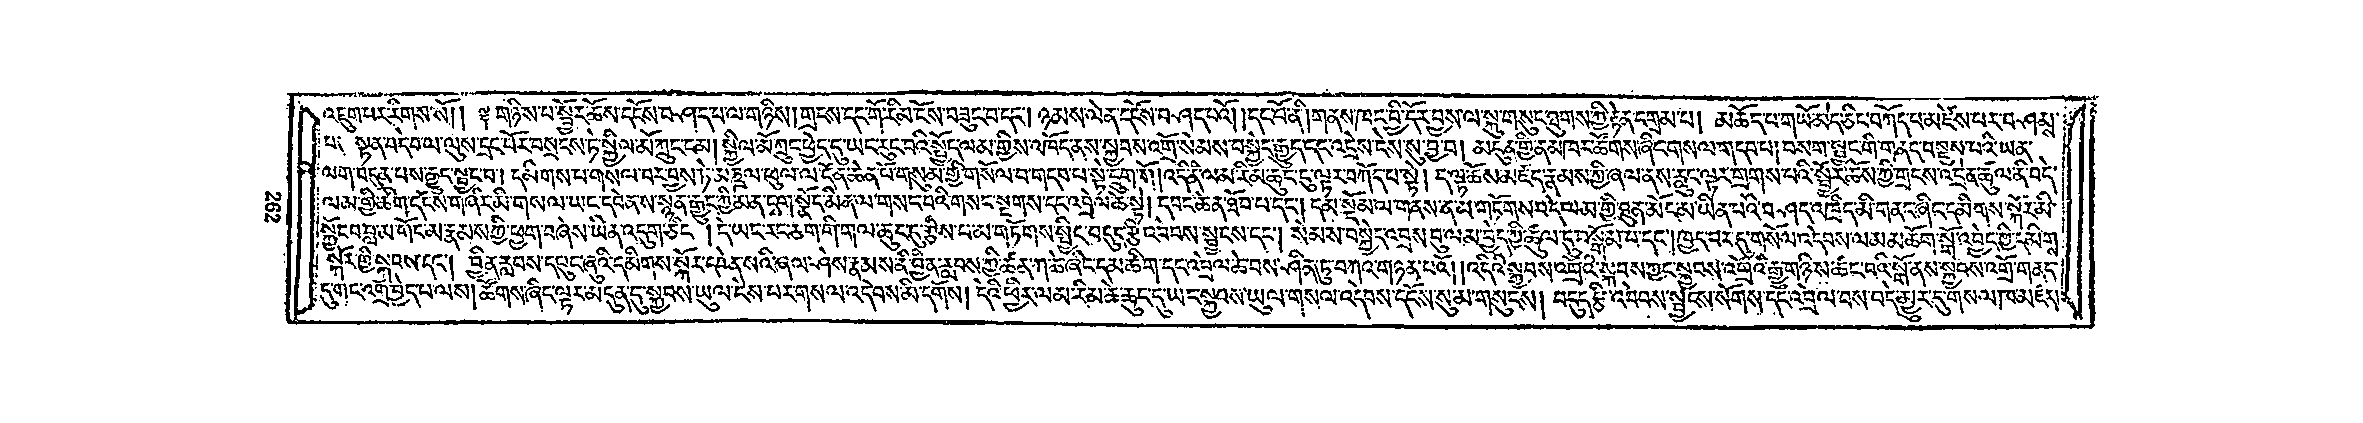འཇུག་པར་རིགས་སོ། །༈ གཉིས་པ་སྦྱོར་ཆོས་དངོས་བཤད་པ་ལ་གཉིས། གྲངས་དང་གོ་རིམ་ངོས་བཟུང་བ་དང་། ཉམས་ལེན་དངོས་བཤད་པའོ། །དང་པོ་ནི། གནས་ཁང་བྱི་དོར་བྱས་ལ་སྐུ་གསུང་ཐུགས་ཀྱི་རྟེན་དགྲམ་པ། མཆོད་པ་གཡོ་མེད་ཅིང་བཀོད་པ་མཛེས་པར་བཤམས་
པ། སྟན་བདེ་བ་ལ་ལུས་དྲང་པོར་བསྲངས་ཏེ་སྐྱིལ་མོ་ཀྲུང་ངམ། སྐྱིལ་མོ་ཀྲུང་ཕྱེད་དུ་ཡང་རུང་བའི་སྤྱོད་ལམ་གྱིས་འཁོད་ནས་སྐྱབས་འགྲོ་སེམས་བསྐྱེད་རྒྱུད་དང་འདྲེས་ངེས་སུ་བྱ་བ། མདུན་གྱི་ནམ་མཁར་ཚོགས་ཞིང་གསལ་གདབ་པ། བསག་སྤྱང་གི་གནད་བསྡུས་པའི་ཡན་
ལག་བདུན་པས་རྒྱུད་སྦྱང་བ། དམིགས་པ་གསལ་བར་བྱས་ཏེ་མཎྜལ་ཕུལ་ལ་དོན་ཆེན་པོ་གསུམ་གྱི་གསོལ་བ་གདབ་པ་སྟེ་དྲུག་གོ །འདི་ནི་ལམ་རིམ་ཆུང་ངུ་ལྟར་བཀོད་པ་སྟེ། ད་ལྟ་ཆོས་མཛད་རྣམས་ཀྱི་ཞལ་ནས་རླུང་ལྟར་གྲགས་པའི་སྦྱོར་ཆོས་ཀྱི་གྲངས་འདྲེན་ཚུལ་ནི་བདེ་
ལམ་གྱི་ཚིག་དངོས་གཞིར་མི་གསལ་ཡང་དབེན་ས་སྙན་རྒྱུད་ཀྱི་མན་དྭག་སྣོད་མིན་ལ་གསང་བའི་གསང་སྔགས་དང་འབྲེལ་ཆེ་སྟེ། དབང་ཆེན་ཐོབ་པ་དང་། དམ་སྡོམ་ལ་གནས་ན་མ་གཏོགས་བདེ་ལམ་གྱི་ཐུན་མོང་མ་ཡིན་པའི་བཤད་འཁྲིད་མི་གནང་ཞིང་དམིགས་སྐོར་མི་
སྐྱོང་བ་བླ་མ་གོང་མ་རྣམས་ཀྱི་ཕྱག་བཞེས་ཡིན་འདུག་ཅིང་། དེ་ཡང་རང་ཅག་གི་གལ་ཆུང་དུ་རྩིས་པ་མ་གཏོགས་སྤྱིད་བདུད་རྩི་འབེབས་སྦྱངས་དང་། སེམས་བསྐྱེད་འབྲས་བུ་ལམ་བྱེད་ཀྱི་ཚུལ་དུ་བསྒོམ་པ་དང་། ཁྱད་པར་དུ་གསོལ་འདེབས་ལམ་མཆོག་སྒོ་འབྱེད་ཀྱི་དམིགས་
སྐོར་གྱི་སྐབས་དང་། བྱིན་རླབས་དཔུང་ཞུའི་དམིགས་སྐོར་དབེན་སའི་ཞལ་ཤེས་རྣམས་ནི་བྱིན་རླབས་ཀྱི་ཚན་ཀ་ཆེ་ཞིང་དམ་ཚིག་དང་འབྲེལ་ཆེ་བས་ཤིན་ཏུ་བཀའ་གཉན་པའོ། །འདིའི་སྐྱབས་འགྲོའི་སྐབས་ཀྱང་སྐྱབས་འགྲོའི་རྒྱུ་གཉིས་ཚང་པའི་སྒོ་ནས་སྐྱབས་འགྲོ་གནད་
དུ་གང་འགྲོ་བྱེད་པ་ལས། ཚོགས་ཞིང་ལྟར་མདུན་དུ་སྐྱབས་ཡུལ་ངེས་པར་གསལ་འདེབས་མི་དགོས། དེའི་ཕྱིར་ལམ་རིམ་ཆེ་ཆུང་དུ་ཡང་སྐྱབས་ཡུལ་གསལ་འདེབས་དངོས་སུ་མ་གསུངས། བདུད་རྩི་འབེབས་སྦྱངས་སོགས་དང་འབྲེལ་བས་བདེ་མྱུར་དུ་གསལ་ཁ་མཛད།